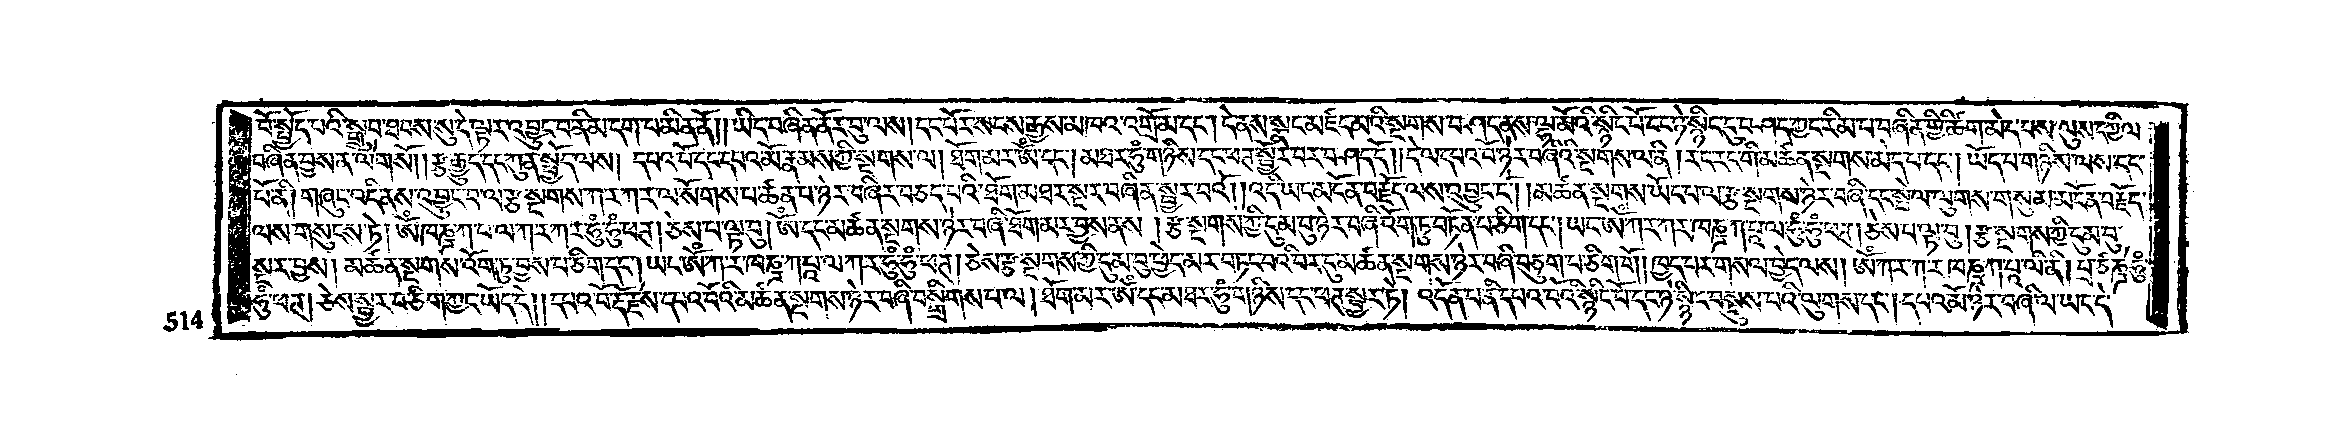པོ་སྤྱོད་པའི་སྒྲུབ་ཐབས་སུ་དེ་ལྟར་འབྱུང་བ་ནི་མ་དག་པ་མིན་ནོ། །ཡིད་བཞིན་ནོར་བུ་ལས། དང་པོར་སངས་རྒྱས་མཁའ་འགྲོ་མ་དང་། དེ་ནས་སྣང་མཛད་མའི་སྔགས་བཤད་ནས་ལྷ་མོའི་སྙིང་པོ་དང་ཉེ་སྙིང་དུ་བཤད་ཀྱང་རིམ་པ་བཞིན་གྱི་ཚིག་མེད་པས་ལུས་དཀྱིལ་
བཞིན་བྱས་ན་ལེགས་སོ། །རྩ་རྒྱུད་དང་ཀུན་སྤྱོད་ལས། དཔའ་བོ་དང་དཔའ་མོ་རྣམས་ཀྱི་སྔགས་ལ། ཐོག་མར་ཨོཾ་དང་། མཐར་ཧུཾ་གཉིས་དང་ཕཊ་སྦྱོར་བར་བཤད་དོ། །དེ་ལ་དཔའ་བོ་ཉེར་བཞིའི་སྔགས་ལ་ནི། རང་རང་གི་མཚན་སྔགས་མེད་པ་དང་། ཡོད་པ་གཉིས་ལས་དང་
པོ་ནི། གཞུང་འདི་ནས་འབྱུང་བ་ལ་རྩ་སྔགས་ཀ་ར་ཀ་ར་ལ་སོགས་པ་ཚན་པ་ཉེར་བཞིར་བཅད་པའི་ཐོག་མཐར་སྔར་བཞིན་སྦྱར་བའོ། །འདི་ཡང་མངོན་བརྗོད་ལས་འབྱུང་ངོ། །མཚན་སྔགས་ཡོད་པ་ལ་རྩ་སྔགས་ཉེར་བཞི་དང་སྤེལ་ལུགས་གསུམ་མངོན་བརྗོད་
ལས་གསུངས་ཏེ། ཨོཾ་ཁཎྜ་ཀ་པཱ་ལ་ཀ་ར་ཀ་ར་ཧུཾ་ཧུཾ་ཕཊ། ཅེས་པ་ལྟ་བུ། ཨོཾ་དང་མཚན་སྔགས་ཉེར་བཞི་ཐོག་མར་བྱས་ནས། རྩ་སྔགས་ཀྱི་དུམ་བུ་ཉེར་བཞི་འོག་ཏུ་བཏོན་པ་ཅིག་དང་། ཡང་ཨོཾ་ཀ་ར་ཀ་ར་ཁཎྜ་ཀ་པཱ་ལ་ཧུཾ་ཧུཾ་ཕཊ། ཅེས་པ་ལྟ་བུ། རྩ་སྔགས་ཀྱི་དུམ་བུ་
སྔར་བྱས། མཚན་སྔགས་འོག་ཏུ་བྱས་པ་ཅིག་དང་། ཡང་ཨོཾ་ཀ་ར་ཁཎྜ་ཀ་པཱ་ལ་ཀ་ར་ཧུཾ་ཧུཾ་ཕཊ། ཅེས་རྩ་སྔགས་ཀྱི་དུམ་བུ་ཕྱེད་མར་བཏང་བའི་བར་དུ་མཚན་སྔགས་ཉེར་བཞི་བཅུག་པ་ཅིག་གོ །ཁྱད་པར་གསལ་བྱེད་ལས། ཨོཾ་ཀ་ར་ཀ་ར་ཁཎྜ་ཀ་པཱ་ལི་ནི། པྲ་ཙཎྜེ་ཧུཾ་
ཧུཾ་ཕཊ། ཅེས་སྦྱར་བ་ཅིག་ཀྱང་ཡོད་དེ། །དཔའ་བོ་རྡོ་རྗེས་དཔའ་བོའི་མཚན་སྔགས་ཉེར་བཞི་བསྒྲིགས་པ་ལ། ཐོག་མར་ཨོཾ་དང་མཐར་ཧུཾ་གཉིས་དང་ཕཊ་སྦྱར་ཏེ། འདོན་པ་ནི་དཔའ་བོའི་སྙིང་པོ་དང་ཉེ་སྙིང་བསྡུས་པའི་ལུགས་དང་། དཔའ་མོ་ཉེར་བཞི་ལ་ཡང་དེ་